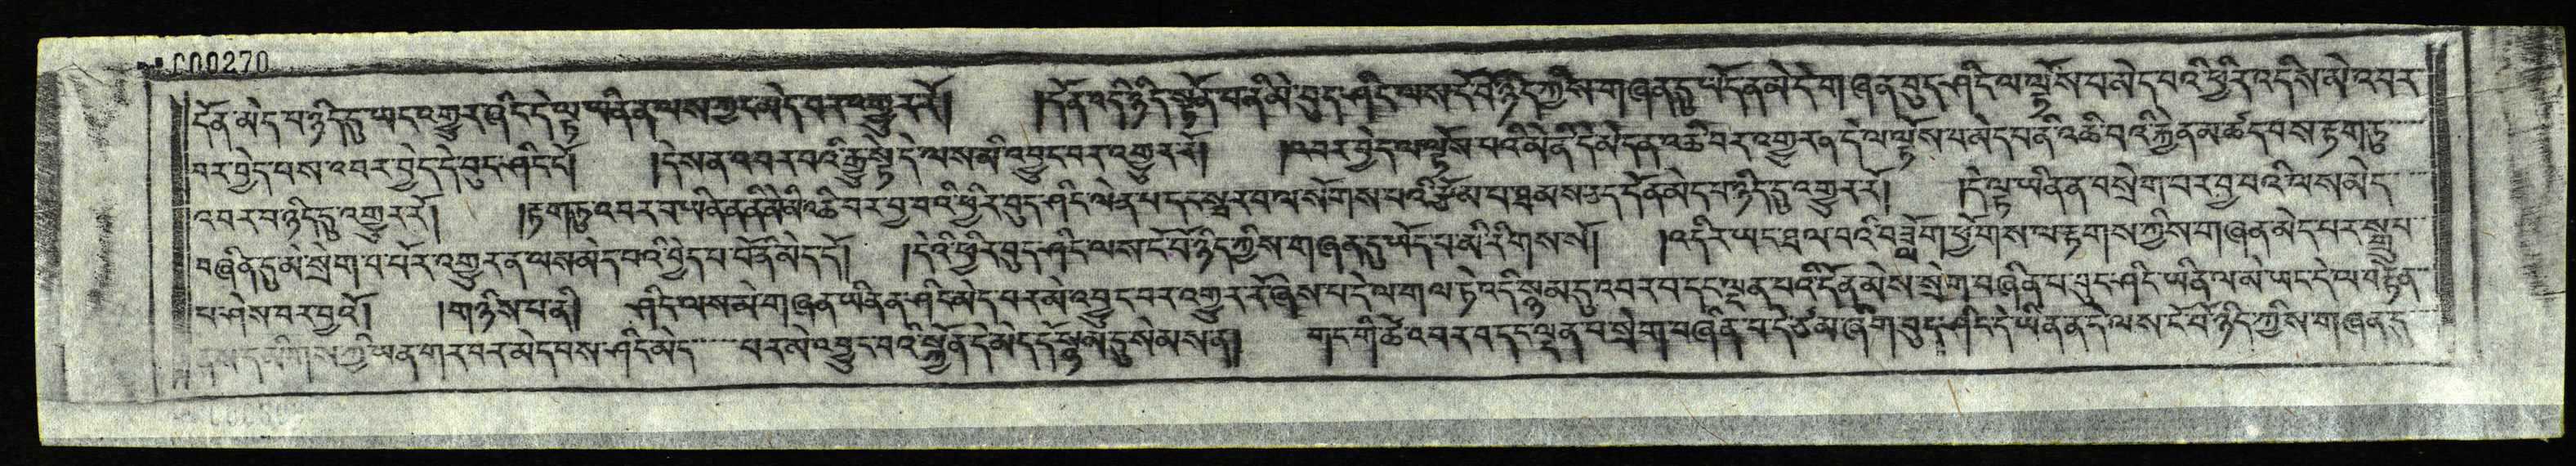དོན་མེད་པ་ཉིད་དུ་ཡང་འགྱུར་ཞིང་དེ་ལྟ་ཡིན་ན་ལས་ཀྱང་མེད་བར་འགྱུར་རོ། །དོན་འདི་ཉིད་སྟོན་པ་ནི་མེ་བུད་ཤིང་ལས་ངོ་བོ་ཉིད་ཀྱིས་གཞན་དུ་ཡོད་ན་མེ་དེ་གཞན་བུད་ཤིང་ལ་ལྟོས་པ་མེད་པའི་ཕྱིར་འདིས་མེ་འབར་
བར་བྱེད་པས་འབར་བྱེད་དེ་བུད་ཤིང་ངོ། །དེས་ན་འབར་བའི་རྒྱུ་སྟེ་དེ་ལས་མི་འབྱུང་བར་འགྱུར་རོ། །འབར་བྱེད་ལ་ལྟོས་པའི་མེ་ནི་དེ་མེད་ན་འཆི་བར་འགྱུར་ན་དེ་ལ་ལྟོས་པ་མེད་པ་ནི་འཆི་བའི་རྐྱེན་མཚད་བས་རྟག་ཏུ་
འབར་བ་ཉིད་དུ་འགྱུར་རོ། །རྟག་ཏུ་འབར་བ་ཡིན་ན་ནི་མེ་མི་འཆི་བར་བྱ་བའི་ཕྱིར་བུད་ཤིང་ལེན་པ་དང་སྦར་བ་ལ་སོགས་པའི་རྩོམ་པ་ཐམས་ཅད་དོན་མེད་པ་ཉིད་དུ་འགྱུར་རོ། །དེ་ལྟ་ཡིན་ན་བསྲེག་པར་བྱ་བའི་ལས་མེད་
བཞིན་དུ་མེ་སྲེག་པ་པོར་འགྱུར་ན་ལས་མེད་པའི་བྱེད་པ་པོ་ནི་མེད་དོ། །དེའི་ཕྱིར་བུད་ཤིང་ལས་ངོ་བོ་ཉིད་ཀྱིས་གཞན་དུ་ཡོད་པ་མི་རིགས་སོ། །འདིར་ཡང་ཐལ་བའི་བཟློག་ཕྱོགས་ལ་རྟགས་ཀྱིས་གཞན་མེད་པར་སྒྲུབ་
པ་ཤེས་བར་བྱའོ། །གཉིས་པ་ནི། ཤིང་ལས་མེ་གཞན་ཡིན་ན་ཤིང་མེད་པར་མེ་འབྱུང་བར་འགྱུར་རོ་ཞེས་པ་དེ་ལ་གལ་ཏེ་འདི་སྙམ་དུ་འབར་བ་དང་ལྡན་པའི་དོན་མེས་སྲེག་བཞིན་པ་བུད་ཤིང་ཡིན་ལ་མེ་ཡང་དེ་ལ་བརྟེན་
ནས་དམིགས་ཀྱི་ཡན་གར་བར་མེད་པས་ཤིང་མེད་བར་མེ་འབྱུང་བའི་སྐྱོན་དེ་མེད་དོ་སྙམ་དུ་སེམས་ན། གང་གི་ཚེ་འབར་བ་དང་ལྡན་པ་སྲེག་བཞིན་པ་དེ་ཙམ་ཞིག་བུད་ཤིང་དེ་ཡིན་ན་དེ་ལས་ངོ་བོ་ཉིད་ཀྱིས་གཞན་དུ་